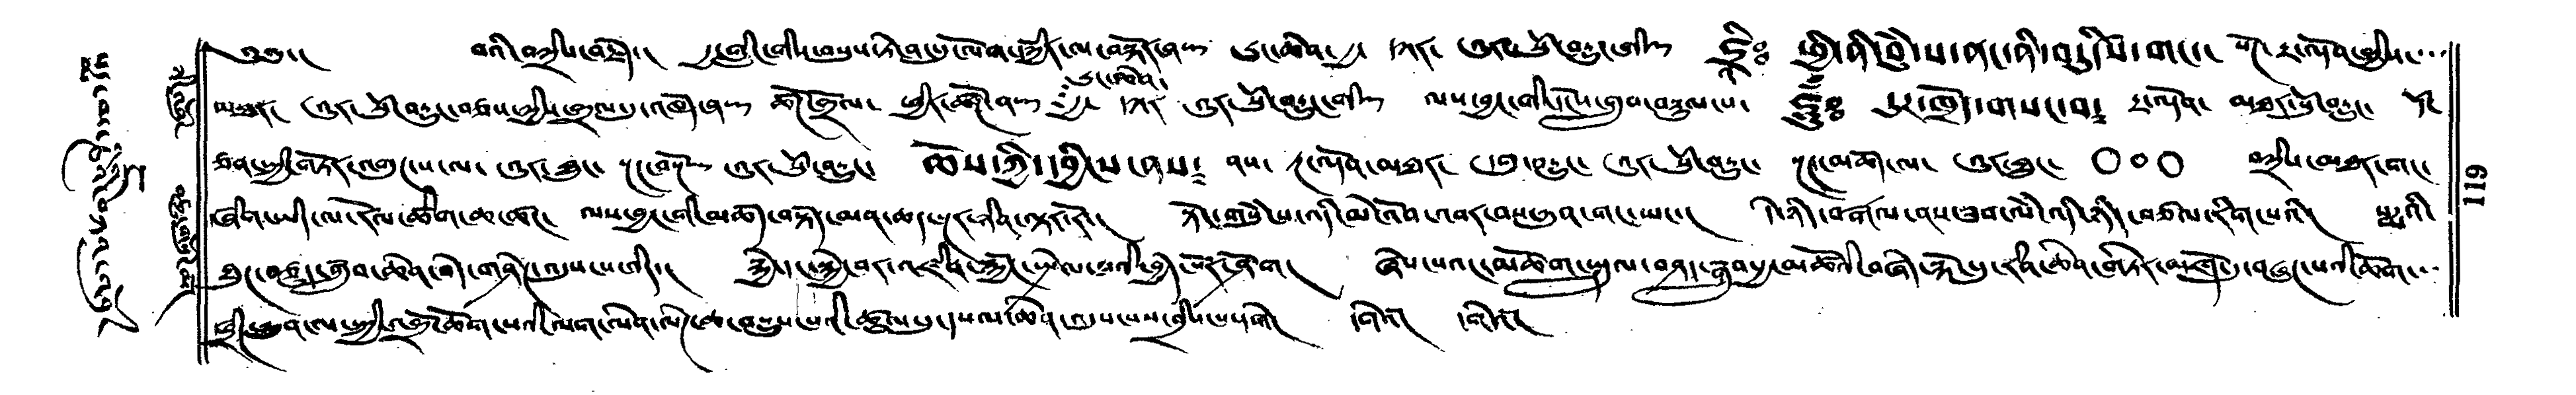༡༡༩༽ ཞེས་བའི་བཀྲ་ཤིས་བརྗོད། རྒྱ་གླིང་གིས་བསུས་ཏེ་ནང་དུ་ལོག དཀྱིལ་འཁོར་ལ་བསྐོར་ནས། དུང་ཆེན། རྒྱ། དཀར། འུར། སུམ་རྡུང་གིས། ཧྲཱི༔ ཕྱི་ནི་བུམ་པ་ནང་ནི་བདུད་རྩིས་གང༔ སོགས། རྔ་འདོན་གྱི་
མཐར། འུར། སུམ་རྡུང་བཅས་ཀྱིས་གྲལ་དུ་འཁོད་ནས། ཚོགས་གྲོལ། ཕྱིར་ཚོགས་ནས། དུང་ཆེན། རྒྱ། དཀར། འུར། སུམ་རྡུང་གིས། ལས་བྱང་དངོས་གྲུབ་སྐུལ་པ། ཧཱུྃ༔ དུར་ཁྲོད་གསང་བ༴ རྔ་འདོན། མཐར་སུམ་རྡུང་། དམ་
ཅན་སྤྱི་གཏོར་འགུགས་པ་ལ། འུར། ཐུང་། སྔགས་བསྔོས། འུར། སུམ་རྡུང་། ཆོས་ཀྱི་དབྱིངས་ནས༴ ནས་རྔ་འདོན་མཐར། དགུ་རྡུང་། འུར། སུམ་རྡུང་། སྔགས་མཆོད་ལ། འུང་ཐུང་། བཀྲ་ཤིས་མཐར། གང་
ཞིག་ཡིད་ལ་རོལ་ཚིགས་ཆ་ཚང་། ལས་བྱང་གི་མཆོད་བསྟོད་མན་ཆད་སྔར་ཉིན་ལྟར་རོ། སྟོང་གསུམ་ས་འདི་མེ་འོབས་འབར་བས་ཀུན་གང་ཡང་། །དེ་ཉིད་བརྒལ་ནས་ཟབ་ལམ་འདི་ཉིད་བཙལ་རིགས་པའི། །པདྨའི་
ཐུགས་བཅུད་སྒྲུབ་ཆེན་བདེ་གཤེགས་འདུས་པ་འདི། །སྐྱེ་དང་སྐྱེ་བར་འཛིན་སྐྱོང་སྤེལ་བའི་བྱེད་པོར་ཤོགཞེས་པའང་མཆོག་སྤྲུལ་བཤད་སྒྲུབ་རྒྱ་མཚོའི་བཞེད་སྐོང་དུ་རིན་ཆེན་གཏེར་མཛོད་དུ་བཞུགས་པའི་ཆོག་
ཁྲིགས་ཀུན་ལ་སྤྱི་འགྲོ་ཆོག་པའི་ལག་ལེན་ལེགས་ཆ་བསྡུས་པའི་ཚུལ་དུ་དཔལ་ཆེན་འདུས་པས་བྲིས་པ་དགེ།། སརྦ་མངྒ་ལཾ།། ༡༢༠༽